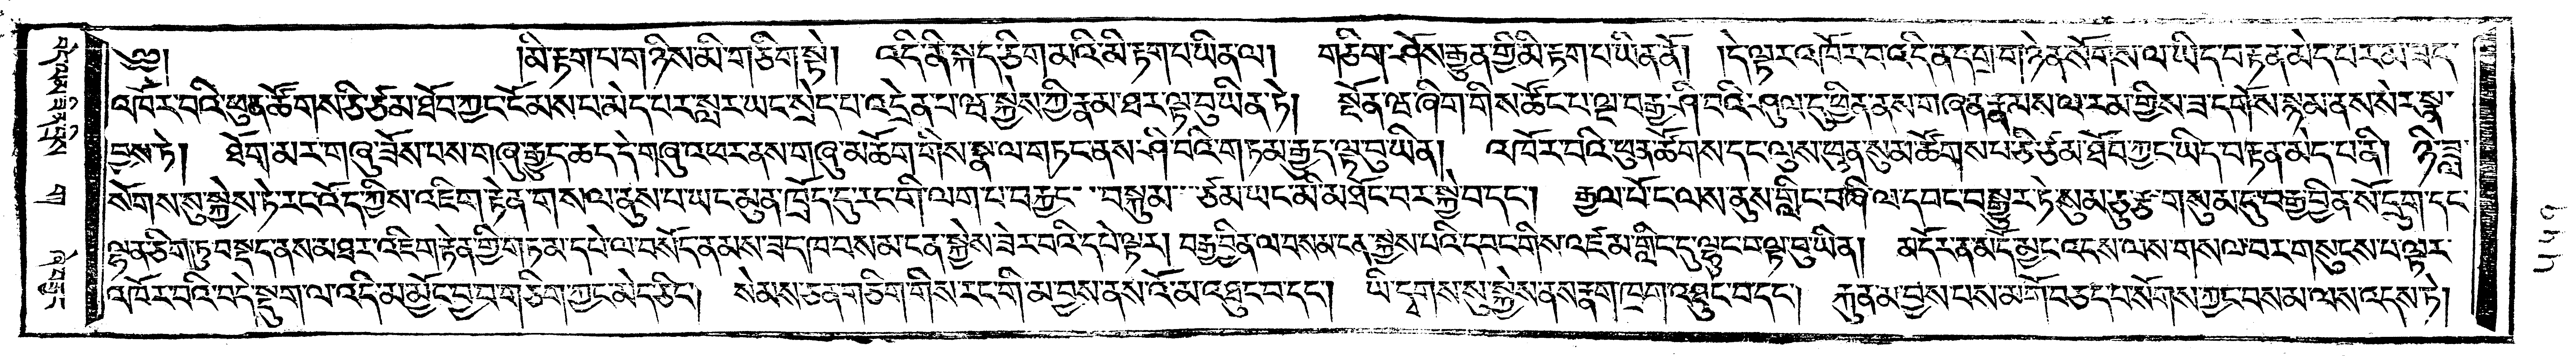༄༅། །མི་རྟག་པ་གཉིས་མི་གཅིག་སྟེ། འདི་ནི་སྐད་ཅིག་མའི་མི་རྟག་པ་ཡིན་ལ། གཅིག་ཤོས་རྒྱུན་གྱི་མི་རྟག་པ་ཡིན་ནོ། །དེ་ལྟར་འཁོར་བ་འདི་ན་དགྲ་གཉེན་སོགས་ལ་ཡིད་བརྟན་མེད་པར་མ་ཟད་
འཁོར་བའི་ཕུན་ཚོགས་ཅི་ཙམ་ཐོབ་ཀྱང་ངོམས་པ་མེད་པར་སླར་ཡང་སྲེད་པ་འདྲེན་པ་ཝ་སྐྱེས་ཀྱི་རྣམ་ཐར་ལྟ་བུ་ཡིན་ཏེ། སྔོན་ཝ་ཞིག་གིས་ཚོང་པ་ལྔ་བརྒྱ་ཤི་བའི་ཤུལ་དུ་ཕྱིན་ནས་གཞན་རྣམས་ལ་རིམ་གྱིས་ཟ་དགོས་སྙམ་ནས་སེར་སྣ་
བྱས་ཏེ། ཐོག་མར་གཞུ་ཟོས་པས་གཞུ་རྒྱུད་ཆད་དེ་གཞུ་འཕར་ནས་གཞུ་མཆོག་གིས་སྣ་ལ་གཏང་ནས་ཤི་བའི་གཏམ་རྒྱུད་ལྟ་བུ་ཡིན། འཁོར་བའི་ཕུན་ཚོགས་དང་ལུས་ཕུན་སུམ་ཚོགས་པ་ཅི་ཙམ་ཐོབ་ཀྱང་ཡིད་བརྟན་མེད་པ་ནི། ཉི་ཟླ་
སོགས་སུ་སྐྱེས་ཏེ་རང་འོད་ཀྱིས་འཇིག་རྟེན་གསལ་ནུས་པ་ཡང་མུན་ཁྲོད་དུ་རང་གི་ལག་པ་བརྐྱང་བསྐུམ་ཙམ་ཡང་མི་མཐོང་བར་སྐྱེ་བ་དང་། རྒྱལ་པོ་ང་ལས་ནུས་གླིང་བཞི་ལ་དབང་བསྒྱུར་ཏེ་སུམ་ཅུ་རྩ་གསུམ་དུ་བརྒྱ་བྱིན་སོ་དྲུག་དང་
ལྷན་ཅིག་ཏུ་བསྡད་ནས་མཐར་འཇིག་རྟེན་གྱི་གཏམ་དཔེ་ལ་བསོད་ནམས་ཟད་ཁ་བསམ་ངན་སྐྱེས་ཟེར་བའི་དཔེ་ལྟར། བརྒྱ་བྱིན་ལ་བསམ་ངན་སྐྱེས་པའི་དབང་གིས་འཛམ་གླིང་དུ་ལྷུང་བ་ལྟ་བུ་ཡིན། མདོར་ན་མདོ་མྱང་འདས་ལས་གསལ་བར་གསུངས་པ་ལྟར་
འཁོར་བའི་བདེ་སྡུག་ལ་འདི་མ་མྱོང་བྱ་བ་གཅིག་ཀྱང་མེད་ཅིང་། སེམས་ཅན་གཅིག་གིས་རང་གི་མ་བྱས་ནས་འོ་མ་འཐུང་བ་དང་། ཡི་དྭགས་སུ་སྐྱེས་ནས་རང་ཁྲག་འཐུང་བ་དང་། རྐུན་མ་བྱས་པས་མགོ་བཅད་པ་སོགས་ཀྱང་བསམ་ལས་འདས་ཏེ།